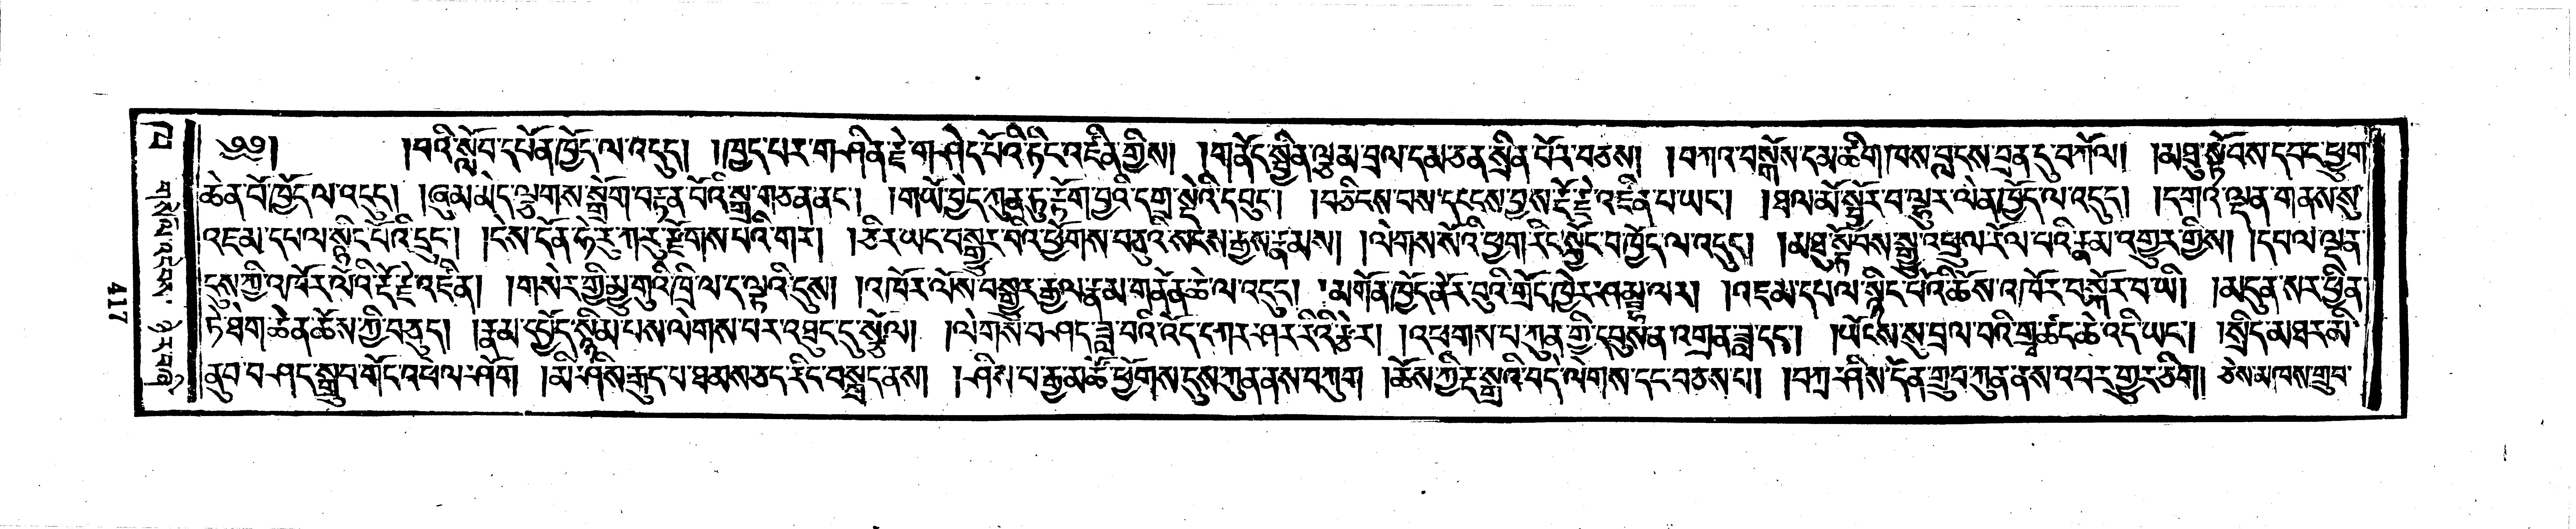༄༅། །བའི་སློབ་དཔོན་ཁྱོད་ལ་འདུད། །ཁྱད་པར་གཤིན་རྗེ་གཤེད་པོའི་ཏིང་འཛིན་གྱིས། །གནོད་སྦྱིན་ལྕམ་བྲལ་དམ་ཅན་སྲིན་པོར་བཅས། །བཀའ་བསྒོས་དམ་ཚིག་ཁས་བླངས་བྲན་དུ་བཀོལ། །མཐུ་སྟོབས་དབང་ཕྱུག་
ཆེན་པོ་ཁྱོད་ལ་འདུད། །ཞུམ་མེད་ལྕགས་སྒྲོག་བརྟན་པོའི་སྒྲ་གཅན་ནང་། །གཡོ་བྱེད་ཀུན་ཏུ་རྟོག་བྱའི་དགྲ་སྡེའི་དབུང་། །བཅིངས་པས་དངངས་བྱས་རྡོ་རྗེ་འཛིན་པ་ཡང་། །ཐལ་མོ་སྦྱོར་བ་ལྷུར་ལེན་ཁྱོད་ལ་འདུད། །དགའ་ལྡན་གནས་སུ་
འཇམ་དཔལ་སྙིང་པོའི་དྲུང་། །ངེས་དོན་ཧེ་རུ་ཀ་རུ་རྫོགས་པའི་གར། །ཅིར་ཡང་བསྒྱུར་བའི་ཕྱོགས་བཅུའི་སངས་རྒྱས་རྣམས། །ལེགས་སོའི་ཕྱག་རིང་སྐྱོང་བ་ཁྱོད་ལ་འདུད། །མཐུ་སྟོབས་སྒྱུ་འཕྲུལ་རོལ་པའི་རྣམ་འགྱུར་གྱིས། །དཔལ་ལྡན་
དུས་ཀྱི་འཁོར་ལོའི་རྡོ་རྗེ་འཛིན། །གསེར་གྱི་མྱུ་གུའི་ཁྲི་ལ་ད་ལྟའི་དུས། །འཁོར་ལོས་བསྒྱུར་རྒྱལ་རྣམ་གནོན་ཆེ་ལ་འདུད། །མགོན་ཁྱོད་ནོར་བུའི་གྲོང་ཁྱེར་ཤམྦྷ་ལར། །འཇམ་དཔལ་སྙིང་པོའི་ཆོས་འཁོར་བསྐོར་བ་ཡི། །མདུན་སར་ཕྱིན་
ཏེ་ཐེག་ཆེན་ཆོས་ཀྱི་བཅུད། །རྣམ་དཔྱོད་སྙིམ་པས་ལེགས་པར་འཐུང་དུ་སྩོལ། །ལེགས་བཤད་ཟླ་བའི་འོད་དཀར་ཤར་རིའི་རྩེར། །འཕགས་པ་ཀུན་གྱི་དབུས་ན་འགྲན་ཟླ་དང་། །ཡོངས་སུ་བྲལ་བའི་གྲྭ་ཚང་ཆེ་འདི་ཡང་། །སྲིད་མཐར་མི་
ནུབ་བཤད་སྒྲུབ་གོང་འཕེལ་ཤོག །མི་ཤིས་རྒུད་པ་ཐམས་ཅད་རིང་བསྐྲད་ནས། །ཤིས་པ་རྒྱ་མཚོ་ཕྱོགས་དུས་ཀུན་ནས་བཀུག །ཆོས་ཀྱི་རྔ་སྒྲའི་བདེ་ལེགས་དང་བཅས་པ། །བཀྲ་ཤིས་དོན་གྲུབ་ཀུན་ནས་འབར་གྱུར་ཅིག། ཅེས་མཁས་གྲུབ་